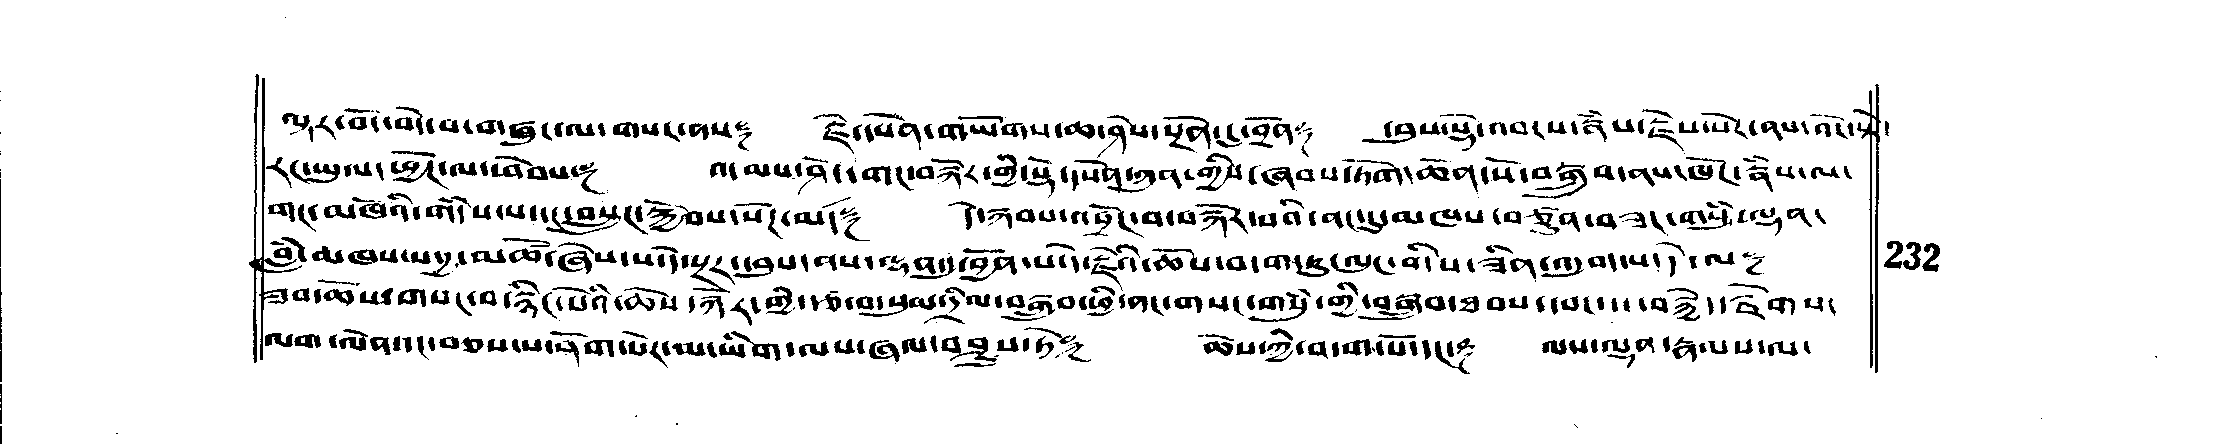ལྟར་བོད་བདེ་པ་གཞུང་ལ་གསང་ནས། རྗེ་དཔོན་གཡོག་ཆ་ཤས་སྔོན་དུ་བྱོན། དབུས་སྡེ་འབངས་རྣམས་རྗེས་སོར་ནས་འོང་སྟེ་
རང་ཡུལ་ཕྱོགས་ལ་ཕེབས། འདམས་ཤོད་གང་བསྐོར་གྱི་སྡེ་དཔོན་ཀུན་གྱིས་ཞབས་ཏོག་ཆེན་པོ་བསྒྲུབ་ནས་ཁོང་རྣམས་ལ་
གང་མཁོའི་གདམས་པ་དང་སྲུང་སྐྱོབས་སོགས་མཛད། དེ་སྐབས་འབྲོང་བ་བསྐོར་བའི་ནང་དུ་མཁས་བཙུན་བཟང་གསུམ་ལྡན་
བླ་མ་མཁས་པ་རྒྱ་མཚོ་ཞེས་པ་དེ་སྔར་དབུས་ནས་ལྷ་གདན་དུ་བྱོན་པ་དེ་རྗེའི་ཆོས་བདག་ཏུ་ལུང་གིས་ཟིན་འདུག་པ་དེ་ལ། 
ཟབ་ཆོས་གསང་བ་སྙིང་པོའི་ཆོས་སྐོར་གྱི་རྩ་གསུམ་དྲིལ་བསྒྲུབ་ཕྱི་ནང་གསང་གསུམ་གྱི་བསྒྲུབ་ཐབས་དབང་དང་བསྐྱེད་རྫོགས་
ལག་ལེན་དང་བཅས་པ་ཤོག་སེར་མ་ཡིག་ལས་ཞལ་བཤུས་ཏེ། ཆོས་ཀྱི་བདག་པོ་དང་། ལས་ལྡན་རྣམས་ལ་